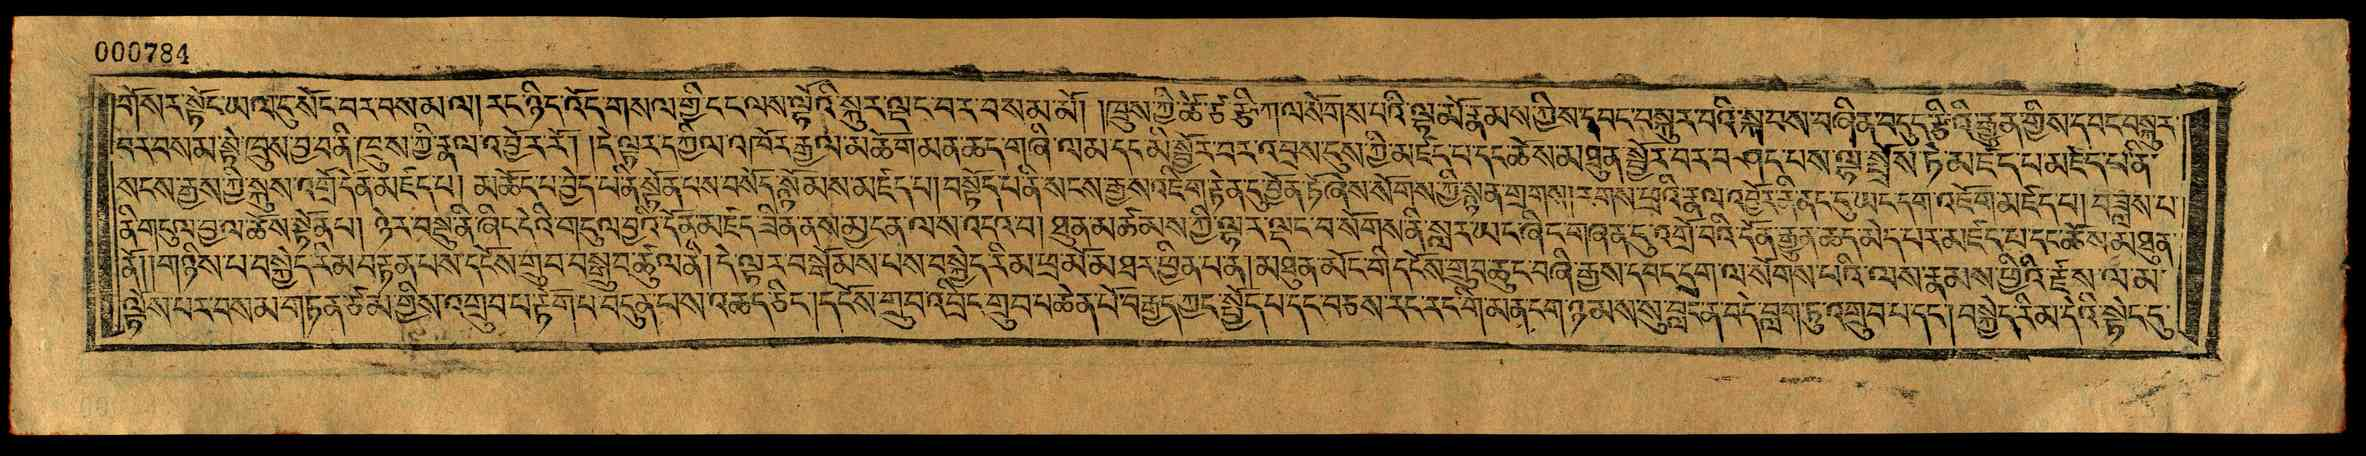གོ་སར་སྟོང་ཡལ་དུ་སོང་བར་བསམ་ལ། རང་ཉིད་འོད་གསལ་གྱི་ངང་ལས་ལྷའི་སྐུར་ལྡང་བར་བསམ་མོ། །ཁྲུས་ཀྱི་ཚེ་ཙ་རྩི་ཀ་ལ་སོགས་པའི་ལྷ་མོ་རྣམས་ཀྱིས་དབང་བསྐུར་བའི་སྐབས་བཞིན་བདུད་རྩིའི་རྒྱུན་གྱིས་དབང་བསྐུར་
བར་བསམ་སྟེ་ཁྲུས་བྱ་བ་ནི་ཁྲུས་ཀྱི་རྣལ་འབྱོར་རོ། །དེ་ལྟར་དཀྱིལ་འཁོར་རྒྱལ་མཆོག་མན་ཆད་གཞི་ལམ་དང་མི་སྦྱོར་བར་འབྲས་དུས་ཀྱི་མཛད་པ་དང་ཆོས་མཐུན་སྦྱོར་བར་བཤད་པས་ལྷ་སྤྲོས་ཏེ་མཛད་པ་མཛད་པ་ནི་
སངས་རྒྱས་ཀྱི་སྐུས་འགྲོ་དོན་མཛད་པ། མཆོད་པ་བྱེད་པ་ནི་སྟོན་པས་བསོད་སྙོམས་མཛད་པ། བསྟོད་པ་ནི་སངས་རྒྱས་འཇིག་རྟེན་དུ་བྱོན་ཏོ་ཞེས་སོགས་ཀྱི་སྙན་གྲགས། རགས་ཕྲའི་རྣལ་འབྱོར་ནི་ནང་དུ་ཡང་དག་འཇོག་མཛད་པ། བཟླས་པ་
ནི་གདུལ་བྱ་ལ་ཆོས་སྟོན་པ། ཉེར་བསྡུ་ནི་ཞིང་དེའི་གདུལ་བྱའི་དོན་མཛད་ཟིན་ནས་མྱ་ངན་ལས་འདའ་བ། ཐུན་མཚམས་ཀྱི་ལྷར་ལྡང་བ་སོགས་ནི་སླར་ཡང་ཞིང་གཞན་དུ་འགྲོ་བའི་དོན་རྒྱུན་ཆད་མེད་པར་མཛད་པ་དང་ཆོས་མཐུན་
ནོ། །གཉིས་པ་བསྐྱེད་རིམ་བརྟན་པས་དངོས་གྲུབ་བསྒྲུབ་ཚུལ་ནི། དེ་ལྟར་བསྒོམས་པས་བསྐྱེད་རིམ་ཕྲ་མོ་མཐར་ཕྱིན་པ་ན། མཐུན་མོང་གི་དངོས་གྲུབ་ཆུང་བ་ཞི་རྒྱས་དབང་དྲག་ལ་སོགས་པའི་ལས་རྣམས་ཕྱི་རྫས་ལམ་
ལྟོས་པར་བསམ་གཏན་ཙམ་གྱིས་འགྲུབ་པ་རྟོག་པ་བདུན་པས་འཆད་ཅིང་། དངོས་གྲུབ་འབྲིང་གྲུབ་པ་ཆེན་པོ་བརྒྱད་ཀྱང་སྤྱོད་པ་དང་བཅས་རང་རང་གི་མན་ངག་ཉམས་སུ་བླང་ན་བདེ་བླག་ཏུ་འགྲུབ་པ་དང་། བསྐྱེད་རིམ་དེའི་སྟེང་ད་